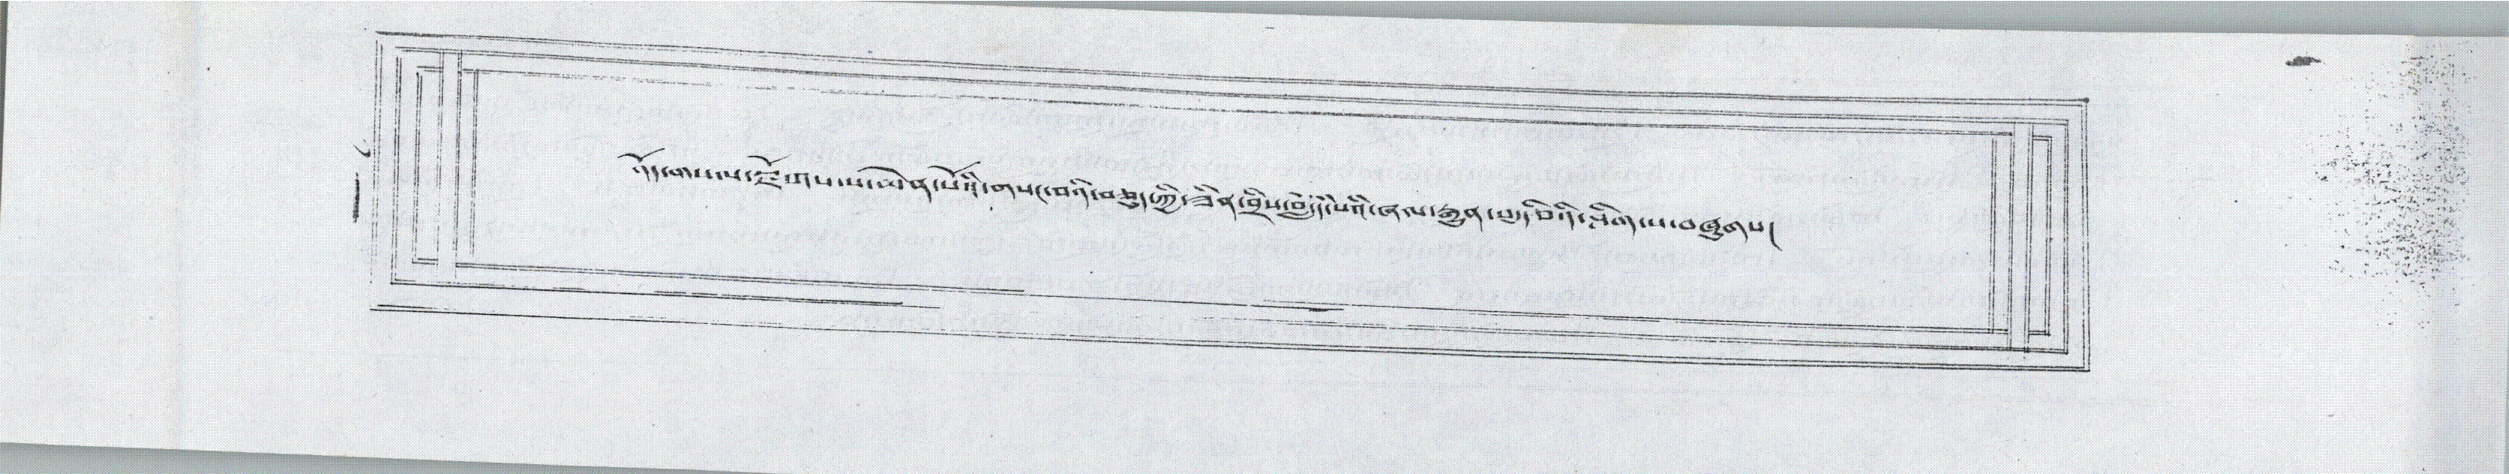༄༅།། འོད་གསལ་རྫོགས་པ་ཆེན་པོའི་གསང་བའི་བཅུད་ཀྱི་ཟིན་བྲིས་བླ་མ་དམ་པའི་ཞལ་རྒྱུན་བདུད་རྩིའི་ཐིགས་པ་བཞུགས།